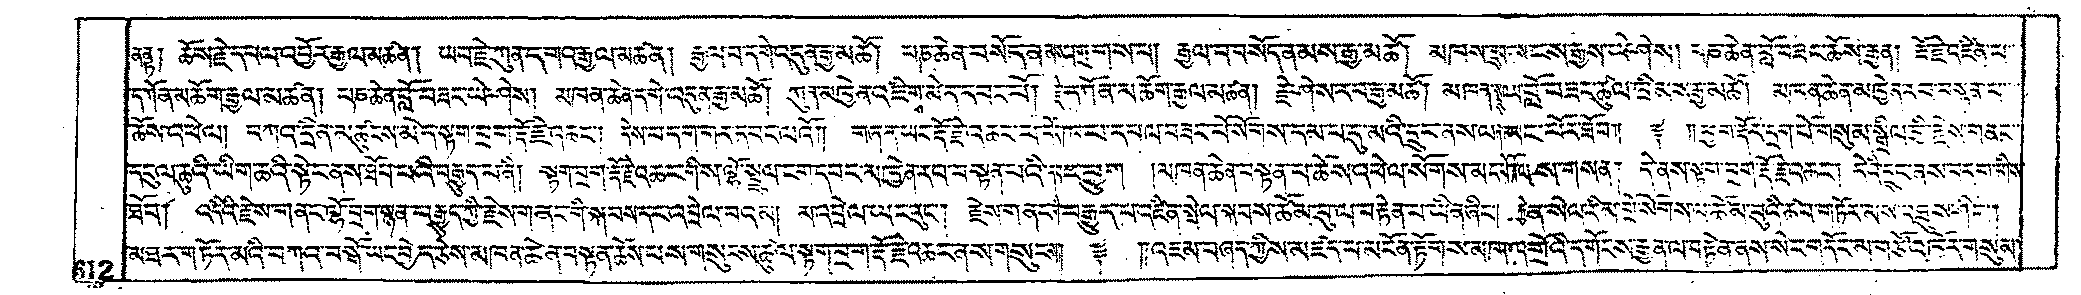ནནྟ། ཆོས་རྗེ་དཔལ་འབྱོར་རྒྱལ་མཚན། ཡབ་རྗེ་ཀུན་དགའ་རྒྱལ་མཚན། རྒྱལ་བ་དགེ་འདུན་རྒྱ་མཚོ། པཎ་ཆེན་བསོད་ནམས་གྲགས་པ། རྒྱལ་བ་བསོད་ནམས་རྒྱ་མཚོ། མཁས་གྲུབ་སངས་རྒྱས་ཡེ་ཤེས། པཎ་ཆེན་བློ་བཟང་ཆོས་རྒྱན། རྡོ་རྗེ་འཛིན་པ་
དཀོན་མཆོག་རྒྱལ་མཚན། པཎ་ཆེན་བློ་བཟང་ཡེ་ཤེས། མཁན་ཆེན་དགེ་འདུན་རྒྱ་མཚོ། ཀུན་མཁྱེན་འཇིགས་མེད་དབང་པོ། རྗེ་དཀོན་མཆོག་རྒྱལ་མཚན། རྗེ་ཤེས་རབ་རྒྱ་མཚོ། མཁན་སྤྲུལ་བློ་བཟང་ཚུལ་ཁྲིམས་རྒྱ་མཚོ། མཁན་ཆེན་མཁྱེན་རབ་བསྟན་པ་
ཆོས་འཕེལ། བཀའ་དྲིན་མཚུངས་མེད་སྟག་བྲག་རྡོ་རྗེ་འཆང་། དེས་བདག་གར་དབང་ལའོ།། གཞན་ཡང་རྡོ་རྗེ་འཆང་ཕ་བོང་ཁ་པ་དཔལ་བཟང་པོ་སོགས་དམ་པ་དུ་མའི་དྲུང་ནས་ལན་མང་པོར་ཐོབ།། ༈ །།ཕྱག་རྡོར་དྲག་པོ་གསུམ་སྒྲིལ་གྱི་རྗེས་གནང་
དངུལ་ཆུའི་ཡིག་ཆའི་སྟེང་ནས་ཐོབ་པའི་བརྒྱུད་པ་ནི། སྟག་བྲག་རྡོ་རྗེ་འཆང་གིས་ལྷོ་སྤྲུལ་ངག་དབང་མཁྱེན་རབ་བསྟན་པའི་དབང་ཕྱུག །མཁན་ཆེན་བསྟན་པ་ཆོས་འཕེལ་སོགས་མང་པོ་ལས་གསན། དེ་ནས་སྟག་བྲག་རྡོ་རྗེ་འཆང་། དེའི་དྲུང་ནས་བདག་གིས་
ཐོབ། འདིའི་རྗེ་གནང་ལྷོ་བྲག་སྙན་བརྒྱུད་ཀྱི་རྗེས་གནང་གི་སྐབས་དང་འབྲེལ་བའམ། མ་འབྲེལ་ཡང་རུང་། རྗེ་གནང་གི་བརྒྱུད་པ་འཛིན་སྤེལ་སྐབས་ཚོམ་བུ་ལ་བརྟེན་པ་ཡིན་ཞིང་། རྐྱེན་སེལ་རིམ་གྲོ་སོགས་ལ་ཚོམ་བུའི་ཚབ་གཏོར་མས་འཐུས་ཤིང་།
མཐར་གཏོར་མའི་བཀའ་བསྒོ་ཡང་བྱེད་ཆེས་མཁན་ཆེན་བསྟན་ཆོས་པས་གསུངས་ཚུལ་སྟག་བྲག་རྡོ་རྗེ་འཆང་ནས་གསུངས།། ༈ །།འཇམ་བཞད་ཀྱིས་མཛད་པ་མངོན་རྟོགས་མཁའ་འགྲོའི་དགོངས་རྒྱན་ལ་བརྟེན་ནས་སེང་གདོང་མ་གཙོ་འཁོར་གསུམ་